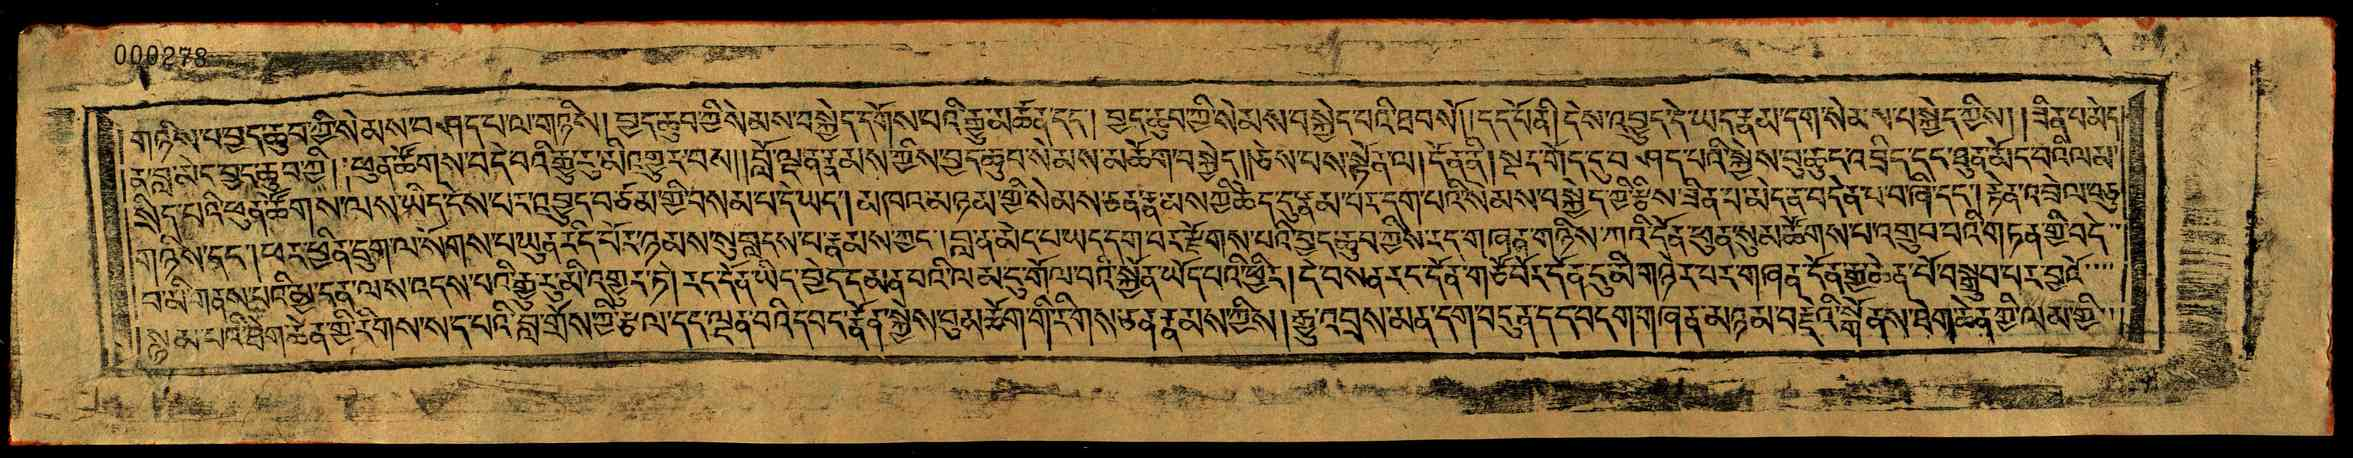གཉིས་པ་བྱང་ཆུབ་ཀྱི་སེམས་བཤད་པ་ལ་གཉིས། བྱང་ཆུབ་ཀྱི་སེམས་བསྐྱེད་དགོས་པའི་རྒྱུ་མཚན་དང་། བྱང་ཆུབ་ཀྱི་སེམས་བསྐྱེད་པའི་ཐབས་སོ། །དང་པོ་ནི། ངེས་འབྱུང་དེ་ཡང་རྣམ་དག་སེམས་བསྐྱེད་ཀྱིས། །ཟིན་པ་མེད་
ན་བླ་མེད་བྱང་ཆུབ་ཀྱི། །ཕུན་ཚོགས་བདེ་བའི་རྒྱུ་རུ་མི་འགྱུར་བས། །བློ་ལྡན་རྣམས་ཀྱིས་བྱང་ཆུབ་སེམས་མཆོག་བསྐྱེད། །ཅེས་པས་སྟོན་ལ། དོན་ནི། སྔར་གོང་དུ་བཤད་པའི་སྐྱེས་བུ་ཆུང་འབྲིང་དང་ཐུན་མོང་བའི་ལམ་
སྲིད་པའི་ཕུན་ཚོགས་ལས་ཡིད་ངེས་པར་འབྱུང་བ་ཙམ་གྱི་བསམ་པ་དེ་ཡང་། མཁའ་མཉམ་གྱི་སེམས་ཅན་རྣམས་ཀྱི་ཚད་དུ་རྣམ་པར་དག་པའི་སེམས་བསྐྱེད་ཀྱི་རྩིས་ཟིན་པ་མེད་ན་བདེན་པ་བཞི་དང་། རྟེན་འབྲེལ་བཅུ་
གཉིས་དང་། ཕར་ཕྱིན་དྲུག་ལ་སོགས་པ་ཡུན་རིང་པོར་ཉམས་སུ་བླངས་བ་རྣམས་ཀྱང་། བླ་ན་མེད་པ་ཡང་དག་པར་རྫོགས་པའི་བྱང་ཆུབ་ཀྱིས་རང་གཞན་གཉིས་ཀའི་དོན་ཕུན་སུམ་ཚོགས་པ་འགྲུབ་པའི་གཏན་གྱི་བདེ་
བ་མི་གནས་པའི་མྱ་ངན་ལས་འདས་པའི་རྒྱུ་རུ་མི་འགྱུར་ཏེ། རང་དོན་ཡིད་བྱེད་དམན་པའི་ལམ་དུ་གོལ་བའི་སྐྱོན་ཡོད་པའི་ཕྱིར། དེ་བས་ན་རང་དོན་གཙོ་བོར་དོན་དུ་མི་གཉེར་བར་གཞན་དོན་རྒྱ་ཆེན་པོ་བསྒྲུབ་པར་བྱའོ་་་
སྙམ་པའི་ཐེག་ཆེན་གྱི་རིགས་སད་པའི་བློ་གྲོས་ཀྱི་རྩལ་དང་ལྡན་པའི་དབང་རྣོན་སྐྱེས་བུ་མཆོག་གི་རིགས་ཅན་རྣམས་ཀྱིས། རྒྱུ་འབྲས་མན་ངག་བདུན་དང་བདག་གཞན་མཉམ་བརྗེའི་སྒོ་ནས་ཐེག་ཆེན་གྱི་ལམ་གྱི་་་